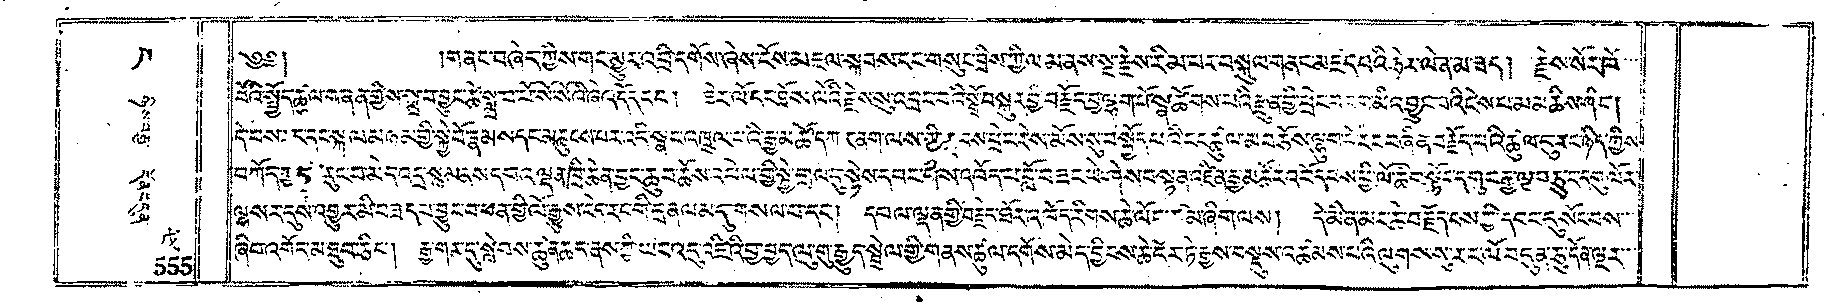༄༅། །གནང་བཞེད་ཀྱིས་གང་མྱུར་འབྲི་དགོས་ཞེས་ངོས་མཇལ་སྐབས་དང་གསུང་བྲིས་ཀྱི་ལམ་ནས་སྔ་རྗེས་རིམ་པར་བསྐུལ་གནང་མཛད་པའི་ཉེར་ལེན་མ་ཟད། རྗེས་སོར་ཁོ་
བོའི་སྤྱོད་ཚུལ་གཞན་གྱིས་སྨྲ་བ་བྱུང་ཚེ་སྨྲ་བ་པོ་སོ་སོའི་ཞེ་འདོད་དང་། ཟེར་ལོ་དང་ཐོས་ལོའི་རྗེས་སུ་འབྲང་བའི་སྒྲོ་བསྐུར་གྱི་བརྗོད་བྱ་ལྷག་པོ་སྣ་ཚོགས་པའི་རྫུན་གྱི་ཕྲེང་བདག་མི་འབྱུང་བའི་ངེས་པ་མ་མཆིས་ཤིང་།
དེ་བས་རང་དང་སྐལ་མཉམ་གྱི་སྐྱེ་བོ་རྣམས་དང་མཚུངས་པར་འདི་སྣང་འཁྲུལ་པའི་རྒྱ་མཚོ་དཀར་ནག་ལས་ཀྱི་རླབས་ཕྲེང་རེས་མོས་སུ་བསྐྱོད་པའི་ངང་ཚུལ་མ་བཅོས་ལྷུག་པོ་རང་བཞིན་བརྗོད་པའི་ཚུལ་དུ་རང་ཉིད་ཀྱིས་
བཀོད་ཀྱང་རུང་བ་མེད་འདྲ་སྙམ་ནས་དགའ་ལྡན་ཁྲི་ཆེན་བྱང་ཆུབ་ཆོས་འཕེལ་གྱི་སྐྱེ་གྲལ་དུ་སྟེས་དབང་གིས་འཁོད་པ་བློ་བཟང་ཡེ་ཤེས་བསྟན་འཛིན་རྒྱ་མཚོར་འབོད་པས་ཕྱི་ལོ་ཆིག་སྟོང་དགུ་བརྒྱ་ལྔ་བཅུ་ང་དགུ་ལོར་
ལྷ་སར་དུས་འགྱུར་མི་བཟད་པ་བྱུང་བ་ཕན་གྱི་ལོ་རྒྱུས་ངེད་རང་གི་དྲན་ལམ་དུ་གསལ་བ་དང་། དཔལ་ལྡན་གྱི་བརྗེད་ཐོར་འཁོད་རིགས་ཆེ་ལོང་ཙམ་ཞིག་ལས། དེ་མིན་མང་ཆེ་བརྗོད་ངས་ཀྱི་དབང་དུ་སོང་བས་
ཞིབ་འགོད་མ་ཐུབ་ཅིང་། རྒྱ་གར་དུ་སླེབས་ཚུན་ཆད་ནས་ཀྱི་ཡང་འདུ་འཛིའི་བྱ་བྱེད་ལུ་གུ་རྒྱུད་སྦྲེལ་གྱི་གནས་ཚུལ་དགོས་མེད་བྱིངས་ཆེ་དོར་ཏེ་རྒྱས་བསྡུས་འཚམས་པའི་ལུགས་སུ་རང་ལོ་བདུན་ཅུ་དོན་ལྔར་